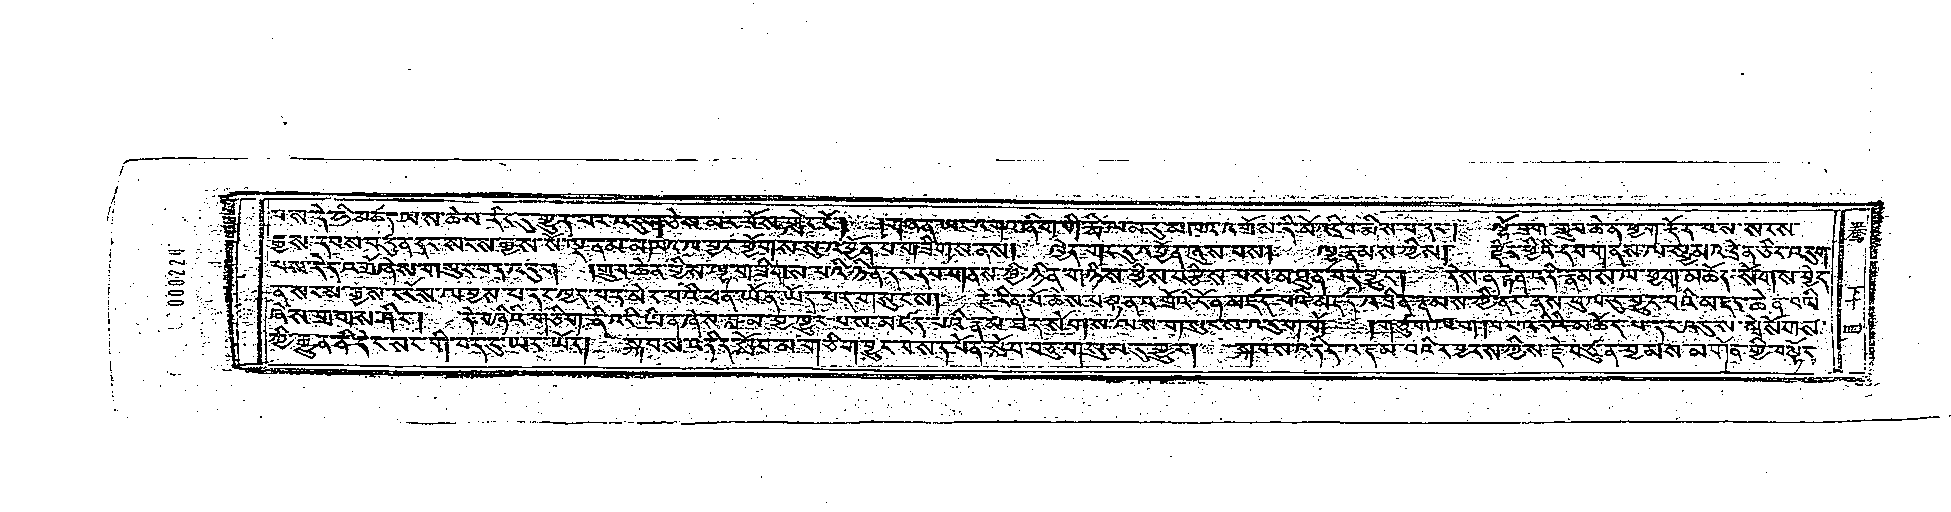པས་དེ་ཉི་མཚད་ལས་ཆེས་རིང་དུ་གྱུར་པར་འདུག་ཅེས་མང་པོས་གླེང་ངོ། །གཞན་ཡང་འགའ་ཞིག་གི་རྨི་ལམ་དུ་མཁའ་འགྲོས་རི་མོ་འདྲི་བ་རྨིས་པ་དག། ལྷོ་བྲག་གྲུབ་ཆེན་ཕྱག་རྡོར་པས་སངས་
རྒྱས་རབས་བཙུན་དང་སངས་རྒྱས་སོ་ལྔ་ནམ་མཁའ་ལ་བྱང་ཕྱོགས་སུ་འབྱོན་པ་གཟིགས་ནས། ཁྱེད་གང་དུ་འབྱོན་ཞུས་པས། ལྷ་རྣམས་ཀྱིས། རྫིང་ཕྱིའི་རབ་གནས་ལ་སྦྱམ?་འདྲེན་ཅིང་འདུག་
པས་དེད་འགྲོ་ཞེས་གསུང་བར་འདུག །གྲུབ་ཆེན་བྱིས་ལྷ་གཟིགས་པའི་ཉིན་དང་རབ་གནས་ཀྱི་ཉིན་གཉིས་ཕྱིས་བརྩིས་པས་མཐུན་པར་བྱུང་། དེས་ན་རྟེན་འདི་རྣམས་ལ་ཕྱག་མཆོད་སོགས་བྱེད་
ན་སངས་རྒྱས་དངོས་ལ་བྱས་པ་དང་ཁྱད་པར་མེད་པའི་ཕན་ཡོན་ཡོད་པར་གསུངས། རྗེ་རིན་པོ་ཆེས་བསྟན་འགྲོའི་དོན་མཛད་པའི་མཛད་འཕྲིན་རྣམས་ཀྱི་ནང་ནས་ཕུལ་དུ་བྱུང་བའི་མཛད་ཆེན་བའི་
ཞེས་གྲགས་ཤིང་། དེ་བཞིའི་གཅིག་ནི་འདི་ཡིན་ཞེས་བླ་མ་བྱ་ཁྱུང་པས་མཛད་པའི་རྣམ་ཐར་སོགས་ལས་གསུངས་འདུག་གོ །གཙུག་ལག་ཁང་འདིའི་མཆོད་པ་དང་འདུས་སྡེ་སོགས་
ཀྱི་རྒྱུན་ནི་དེང་སང་གི་བར་དུ་ཡང་ཡོད། སྐབས་འདིར་སློབ་མ་གཅིག་བྱུང་བས་དཔོན་སློབ་བཅུ་གསུམ་དུ་གྱུར། སྐབས་འདིད་འཇམ་པའི་དབྱངས་ཀྱིས་རྗེ་བཙུན་བྱམས་མགོན་གྱི་བསྟོད་